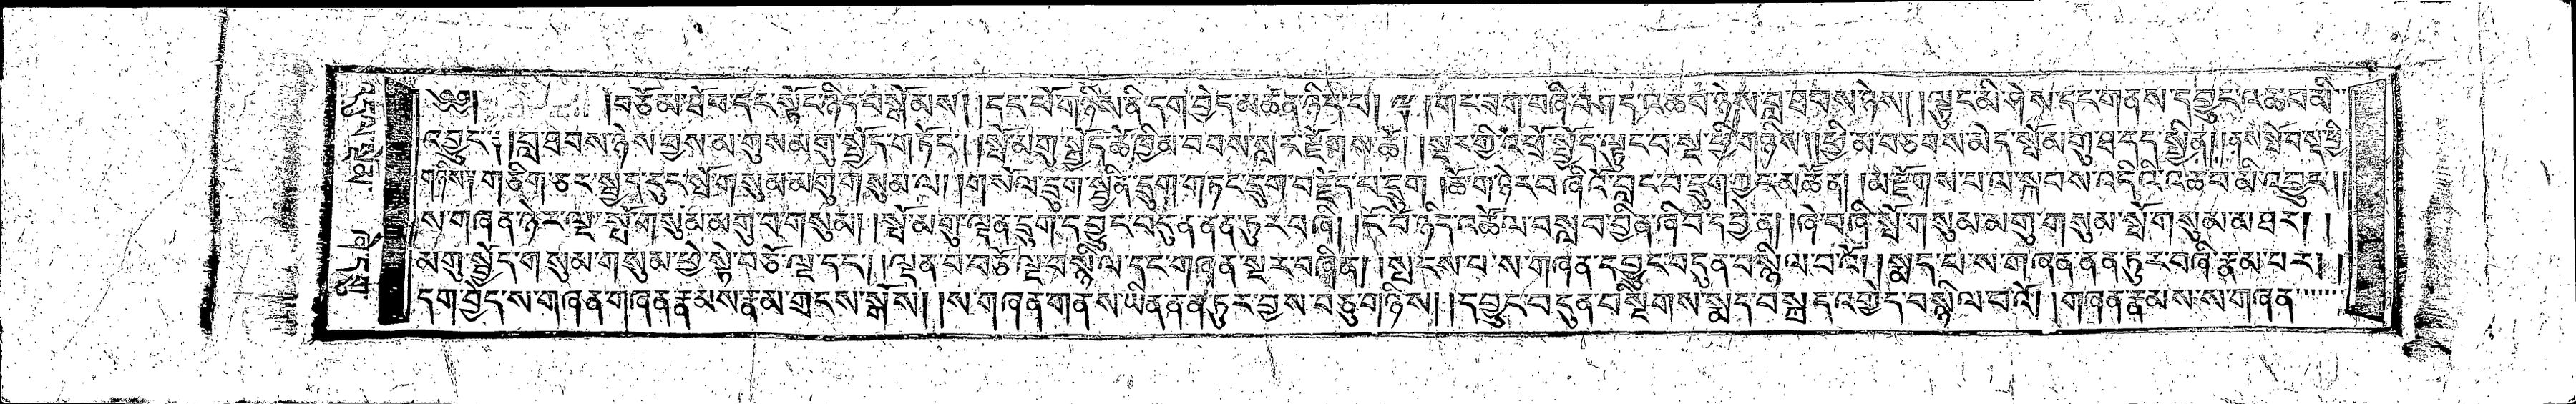༄༅། །བཅོམ་ཐོབ་དང་སྟོང་ཉིད་བསྒོམས། །དང་པོ་གཉིས་ནི་དག་བྱེད་མཚན་ཉིད་པ། ༈ །གང་ཟག་བཞི་བཤད་འཆབ་ཉེས་བླ་ཐབས་ཉེས། །ལྟུང་མི་ཤེས་དང་གནས་དབྱུང་འཆབ་མི་
འབྱུང༑ །བླ་ཐབས་ཉེས་བྱས་མ་གུས་མགུ་སྤྱོད་གཏོང་། །སྤོ་མགུ་སྤྱོད་ཚེ་ཁྱིམ་བབས་སླར་རྫོགས་ཚེ། །སྔར་གྱི་འཕྲོ་སྤྱོད་ལྟུང་བ་སྔ་ཕྱི་གཉིས། །ཕྱི་མ་བཅབས་མེད་སྤོ་མགུ་ཐ་དད་སྤྱིན། །ནས་སྤོ་བ་སྔ་ཕྱི་
གཉིས༑ གཅིག་ཅར་སྤྱད་རུང་སྤོ་གསུམ་མགུ་གསུམ་ལ། །གསོལ་དྲུག་སྦྱིན་དྲུག་གཏང་དྲུག་བརྗོད་པ་དྲུག །ཆོ་ག་ཉེར་བཞིའོ་བླང་བ་དྲུག་ཀྱང་མཚོན། །མ་རྫོགས་པ་ལ་སྐབས་འདིའི་འཆབ་མི་འབྱུང་། །
ས་གཞན་ཉེར་ལྔ་སྤོ་གསུམ་མགུ་བ་གསུམ། །སྤོ་མགུ་ལྡན་དྲུག་དབྱུང་བདུན་ནན་ཏུར་བཞི། །ངོ་བོ་ཉིད་འཚོལ་བསླབ་བྱིན་ཞིབ་དབྱེ་ན། །ཞེ་བཞི་སྤོ་གསུམ་མགུ་གསུམ་སྤོ་གསུམ་མཐར། །
མགུ་སྤྱོད་གསུམ་གསུམ་ཕྱེ་སྟེ་བཅོ་ལྔ་དང་། །ལྡན་བ་བཅོ་ལྔ་བསྙིལ་དང་གཞན་སྔར་བཞིན། །སྤངས་པ་ས་གཞན་དབྱུང་བདུན་བསྙིལ་བ་འོ། །སྨད་པ་ས་གཞན་ནན་ཏུར་བཞི་རྣམ་པར། །
དག་བྱེད་ས་གཞན་གཞན་རྣམས་རྣམ་གྲངས་སྒོས། །ས་གཞན་གནས་ཡིན་ནན་ཏུར་བྱས་བཅུ་གཉིས། །དབྱུང་བདུན་བསྡིགས་སྨད་བསྐྲད་འགྱེད་བསྙིལ་བའོ། །གཞན་རྣམས་ས་གཞན་